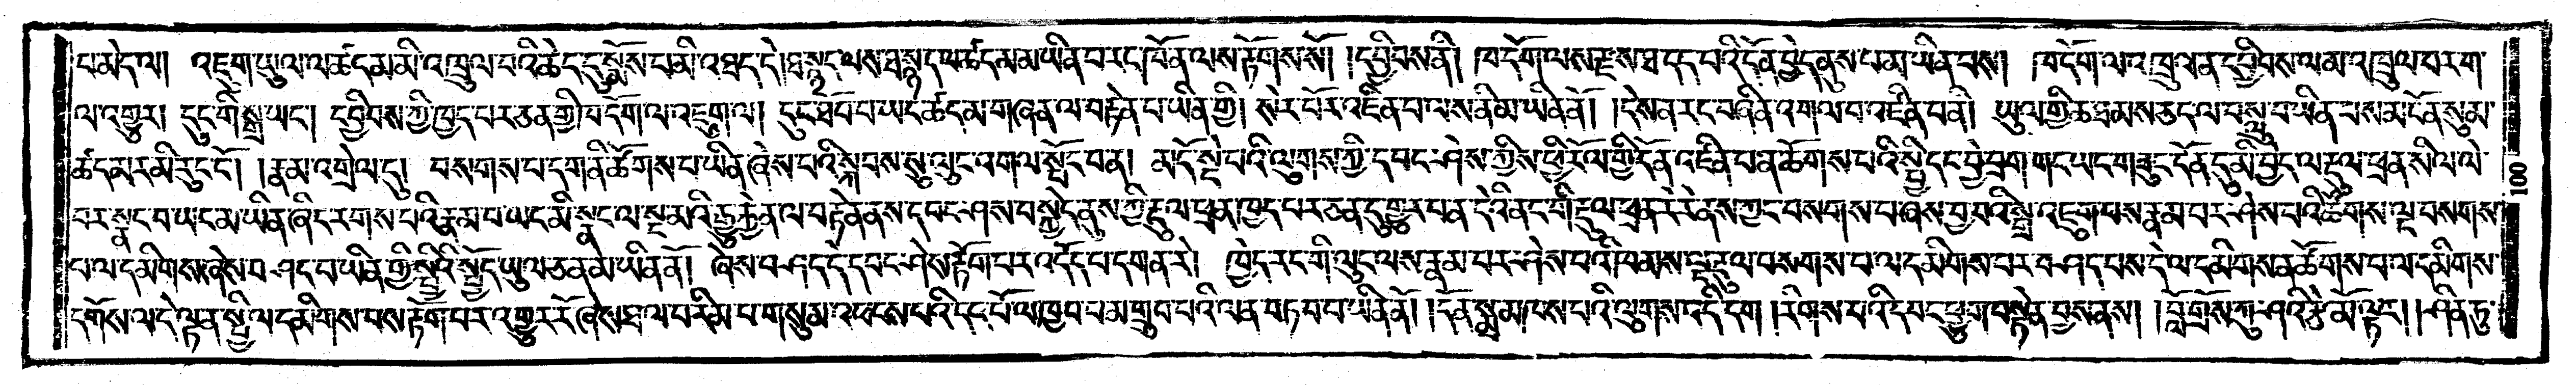པ་མེད་ལ། འཇུག་ཡུལ་ལ་ཚད་མ་མི་འཁྲུལ་བའི་ཆེད་དུ་སྨོས་པ་མི་འཐད་དེ། ཐ་སྙད་ལས་ཐ་སྙད་ལ་ཚད་མ་མ་ཡིན་པ་རང་ཁོ་ན་ལས་རྟོགས་སོ། །དབྱིབས་ནི། ཁ་དོག་ལས་རྫས་ཐ་དད་པའི་དོན་བྱེད་ནུས་པ་མ་ཡིན་པས། ཁ་དོག་ལ་འཁྲུལ་ན་དབྱིབས་ལ་མ་འཁྲུལ་བར་ག་
ལ་འགྱུར། དུང་གི་སྒྲ་ཡང་། དབྱིབས་ཀྱི་ཁྱད་པར་ཅན་གྱི་ཁ་དོག་ལ་འཇུག་ལ། དུང་ཐོབ་པ་ཡང་ཚད་མ་གཞན་ལ་བརྟེན་པ་ཡིན་གྱི། སེར་པོར་འཛིན་པ་ལས་ནི་མ་ཡིན་ནོ། །དེས་ན་རང་བཞིན་འགལ་བ་འཛིན་པ་ནི། ཡུལ་གྱི་ཆ་ཐམས་ཅད་ལ་བསླུ་བ་ཡིན་པས་མངོན་སུམ་
ཚད་མར་མི་རུང་ངོ། །རྣམ་འགྲེལ་དུ། བསགས་པ་དག་ནི་ཚོགས་པ་ཡིན་ཞེས་པའི་སྐབས་སུ་ལུང་འགལ་སྤོང་བ་ན། མདོ་སྡེ་པའི་ལུགས་ཀྱི་དབང་ཤེས་ཀྱིས་ཕྱི་རོལ་གྱི་དོན་འཛིན་པ་ན་ཆོགས་པའི་སྤྱི་དང་བྱེ་བྲག་གང་ཡང་གཟུང་དོན་དུ་མི་བྱེད་ལ་རྡུལ་ཕྲན་སིལ་ལེ་
བར་སྣང་བ་ཡང་མ་ཡིན་ཞིང་རགས་པའི་རྣམ་པ་ཡང་མི་སྣང་ལ་སྔ་མའི་རྒྱུ་རྐྱེན་ལ་བརྟེན་ནས་དབང་ཤེས་བསྐྱེད་ནུས་ཀྱི་རྡུལ་ཕྲན་ཁྱད་པར་ཅན་དུ་གྱུར་པ་ན་དེའི་ནང་གི་རྡུལ་ཕྲན་རེ་རེ་ནས་ཀྱང་བསགས་པ་ཞེས་བྱ་བའི་སྒྲ་འཇུག་པས་རྣམ་པར་ཤེས་པའི་ཚོགས་ལྔ་བསགས་
པ་ལ་དམིགས་ཞེས་བཤད་པ་ཡིན་གྱི་སྤྱིའི་སྤྱོད་ཡུལ་ཅན་མ་ཡིན་ནོ། ཞེས་བཤད་དེ་དབང་ཤེས་རྟོག་པར་འདོད་པ་དག་ན་རེ། ཁྱེད་རང་གི་ལུང་ལས་རྣམ་པར་ཤེས་པའི་ཁམས་ལྔ་རྡུལ་བསགས་པ་ལ་དམིགས་པར་བཤད་པས་དེ་ལ་དམིགས་ན་ཚོགས་པ་ལ་དམིགས་
དགོས་ལ་དེ་ལྟ་ན་སྤྱི་ལ་དམིགས་པས་རྟོག་པར་འགྱུར་རོ་ཞེས་ཐལ་བ་རིམ་པ་གསུམ་འཕངས་པའི་དང་པོ་ལ་ཁྱབ་པ་མ་གྲུབ་པའི་ལན་བཏབ་པ་ཡིན་ནོ། །དོན་སྨྲ་མཁས་པའི་ལུགས་འདི་དག །རིགས་པའི་དབང་ཕྱུག་བསྟེན་བྱས་ནས། །བློ་གྲོས་ཀུ་ཤའི་རྩེ་མོ་ལྟར། །ཤིན་ཏུ་